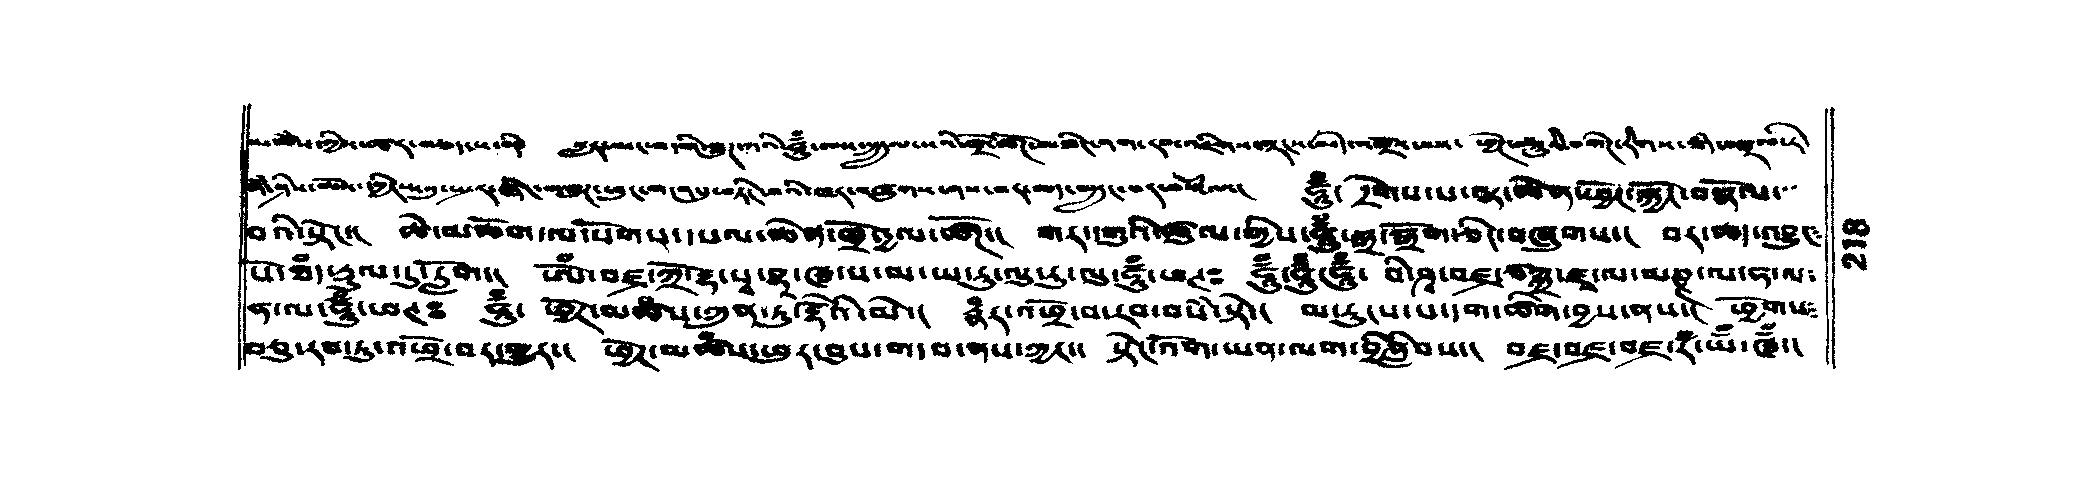མཚམས་ཀྱི་ཚར་བཅད་པ་ནི། སླར་ཡང་བདག་གི་ཐུགས་ཀའི་ཧཱུྃ་ལས་སྤྲུལ་པའི་ཁྲོ་ཚོགས་མཐིང་ནག་རབ་འཇིགས་གྲངས་མེད་འཕྲོས་པས། ཕྱོགས་བཅུའི་བགེགས་རིགས་ཐམས་ཅད་བསྒྲལ་ཏེ་
རྣམ་ཤེས་ཆོས་དབྱིངས་སུ་སྤར་ཞིང་གཟུགས་ཕུང་གདན་དུ་བཏིང་བའི་ཁར་བཞུགས་ནས་བར་ཆད་བསྲུང་བར་བསམ་ལ། ཧཱུྃ། དྲེགས་པ་ལྷ་ཆེན་ཕྱོགས་སྐྱོང་བསྣོལ་
བའི་སྟེང་། ། ཆེ་མཆོག་ལ་སོགས་དཔལ་ཆེན་ཁྲོ་རྒྱལ་ཚོགས། གར་དགུའི་ཚུལ་གྱིས་ཧཱུྃ་སྒྲ་སྒྲོག་ཅིང་བཞུགས། །བར་ཆད་འབྱུང་
པོ་ཐམས་ཅད་རྡུལ་དུ་རློག་ཨོཾ་བཛྲ་ཀྲོ་དྡྷ་སྭ་བྷཱ་ཝ་ས་མ་ཡ་རུ་ལུ་རུ་ལུ་ཧཱུྃ་ཕཊཿ ཧཱུྃ་ཧཱུྃ་ཧཱུྃ། བི་ཤྭ་བཛྲ་ཙཀྲ་ཛྭ་ལ་མཎྜ་ལ་ཧ་ལ་
ཧ་ལ་ཧཱུྃ་ཕཊཿ ཧཱུྃ། ཕྱོགས་མཚམས་ཀུན་ཏུ་རྡོ་རྗེའི་མེ། །རྣམ་པར་འཕྲོ་བ་རབ་བསམ་སྟེ། ། མ་རུངས་པ་དག་ཚིག་བྱས་ནས། །ཕྱོགས་
བཅུ་རབ་ཏུ་འཕྲོ་བར་གྱུར། །ཕྱོགས་མཚམས་ཕུར་བུས་གདབ་ནས་ཀྱང་། །སྟེང་འོག་ཡན་ལག་བྱིན་གྱིས་རློབས། །བཛྲ་བཛྲ་བཛྲ་རྃ་ཡྃ་ཁྃ་།